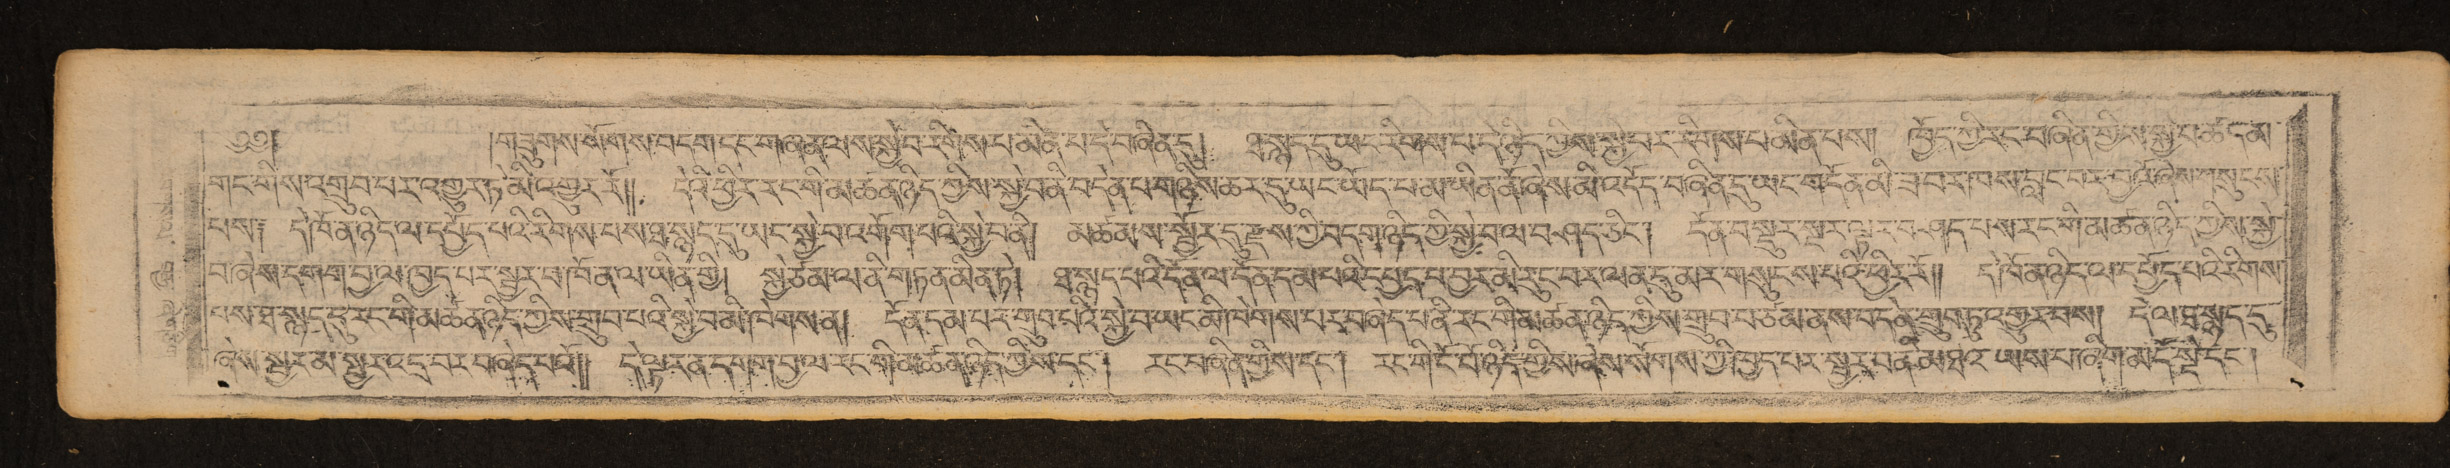༄༅། །གཟུགས་སོགས་བདག་དང་གཞན་ལས་སྐྱེ་བ་རིགས་པ་མིན་པ་དེ་བཞིན་དུ། ཐ་སྙད་དུ་ཡང་རིགས་པ་དེ་ཉིད་ཀྱིས་སྐྱེ་བར་རིགས་པ་མིན་པས། ཁྱོད་ཀྱི་རང་བཞིན་གྱིས་སྐྱེ་བ་ཚད་མ་
གང་གིས་འགྲུབ་པར་འགྱུར་ཏེ་མི་འགྱུར་རོ།། དེའི་ཕྱིར་རང་གི་མཚན་ཉིད་ཀྱིས་སྐྱེ་བ་ནི་བདེན་པ་གཉིས་ཆར་དུ་ཡང་ཡོད་པ་མ་ཡིན་ནོ་ཞེས་མི་འདོད་བཞིན་དུ་ཡང་གདོན་མི་ཟ་བར་ཁས་བླང་བར་བྱའོ་ཞེས་གསུངས་
པས༑ དེ་ཁོ་ན་ཉིད་ལ་དཔྱོད་པའི་རིགས་པས་ཐ་སྙད་དུ་ཡང་སྐྱེ་བ་འགོག་པའི་སྐྱེ་བ་ནི། མཚམས་སྦྱོར་དུ་རྫས་ཀྱི་བདག་ཉིད་ཀྱི་སྐྱེ་བ་ལ་བཤད་ཅིང་། དོན་བསྡུར་སྔར་ལྟར་བཤད་པས་རང་གི་མཚན་ཉིད་ཀྱིས་སྐྱེ་
བ་ཞེས་དགག་བྱ་ལ་ཁྱད་པར་སྦྱར་བ་ཁོ་ན་ལ་ཡིན་གྱི། སྐྱེ་ཙམ་ལ་ནི་གཏན་མིན་ཏེ། ཐ་སྙད་པའི་དོན་ལ་དོན་དམ་པའི་དཔྱད་པ་བྱར་མི་རུང་བར་ལན་དུ་མར་གསུངས་པའི་ཕྱིར་རོ།། དེ་ཁོ་ན་ཉིད་ལ་དཔྱོད་པའི་རིགས་
པས་ཐ་སྙད་དུ་རང་གི་མཚན་ཉིད་ཀྱིས་གྲུབ་པའི་སྐྱེ་བ་མི་ཁེགས་ན། དོན་དམ་པར་གྲུབ་པའི་སྐྱེ་བ་ཡང་མི་ཁེགས་པར་བཞེད་པ་ནི་རང་གི་མཚན་ཉིད་ཀྱིས་གྲུབ་པ་ཙམ་ནས་བདེན་གྲུབ་ཏུ་འགྱུར་བས། དེ་ལ་ཐ་སྙད་དུ་
ཞེས་སྦྱར་མ་སྦྱར་འདྲ་བར་བཞེད་པའོ།། དེ་ལྟར་ན་དགག་བྱ་ལ་རང་གི་མཚན་ཉིད་ཀྱིས་དང་། རང་བཞིན་གྱིས་དང་། རང་གི་ངོ་བོ་ཉིད་ཀྱིས་ཞེས་སོགས་ཀྱི་ཁྱད་པར་སྦྱར་བ་ནི་མཐའ་ཡས་པ་ཞིག་མདོ་སྡེ་དང་།